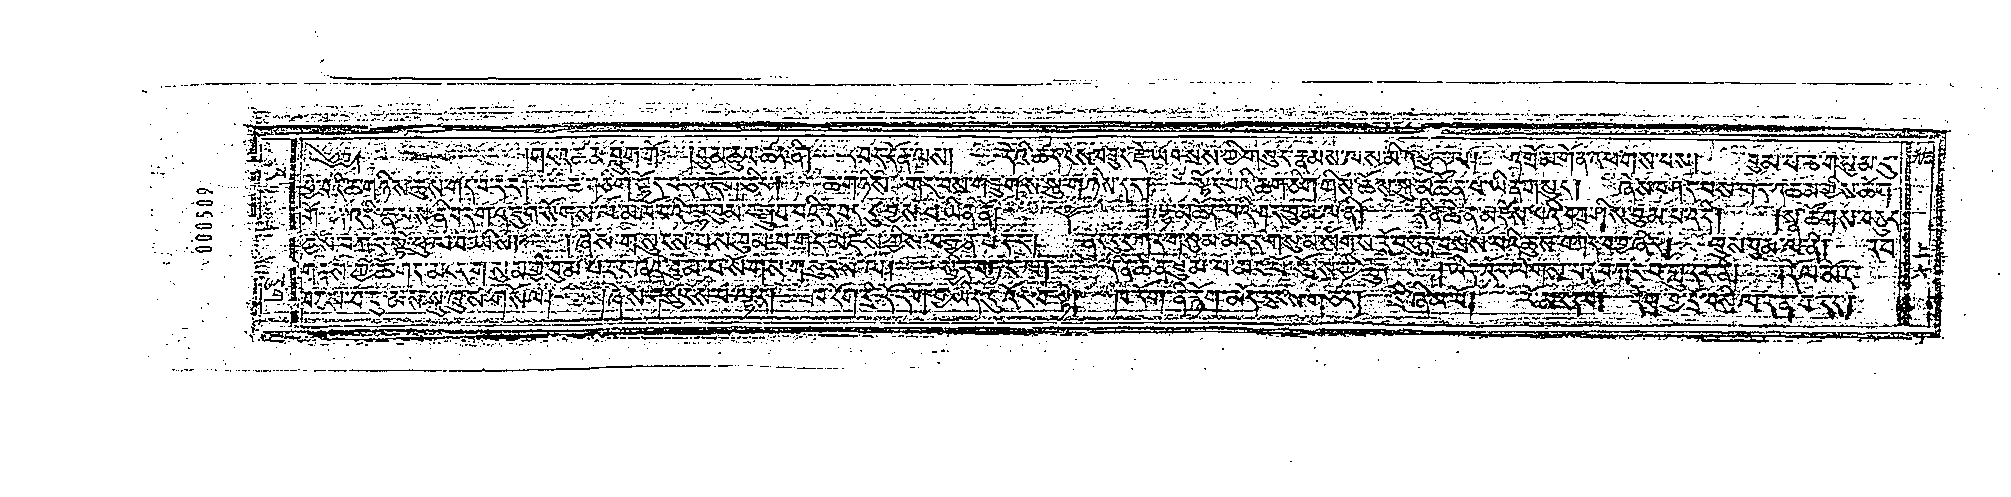༄༅། །གང་འཚམ་བླུག་གོ །བུམ་ཆུའི་ཚད་ནི། དབང་དོན་ལས། དེའི་ཚད་དེས་བཟུང་རྗེ་ཡབ་སྲས་ཀྱི་གསུང་རྣམས་ལས་མི་འབྱུང་ལ། འགྲོ་མགོན་འཕགས་པས། བུམ་པ་ཆ་གསུམ་དུ་
ཕྱི་བའི་ཆ་གཉིས་ཆུས་གད་བ་དང་། ཆ་གཅིག་སྟོད་པར་འཇོག་ཅིང་། ཆ་གཉིས་གང་བས་གཟུགས་སྐུ་གཉིས་དང་། སྟོང་པའི་ཆ་གཅིག་གིས་ཆོས་སྐུ་མཚོན་པ་ཡིན་གསུང་། ཞེས་བཤད་པས་གར་འཆམ་གྱིས་ཆོག་
གོ ༑འདི་རྣམས་ནི་བདག་འཇུག་སོགས་ལ་མཁོ་བའི་ལྷ་བུམ་བསྒྲུབ་པའི་དབང་དུ་བྱས་པ་ཡིན་ནོ། ༈ །ལྷ་མཆོད་པའི་གད་བུམ་ལ་ནི། རིན་ཆེན་མཛེས་པའི་བཀྲ་ཤིས་བུམ་པ་འདི། །སྣ་ཚོགས་བཅུད་
ཀྱིས་བཀང་སྟེ་ཕུལ་བ་ཡིས། །ཞེས་གསུངས་པས་བུམ་པ་གང་མཛེས་ཀྱིས་བརྒྱན་པ་དང་། ནང་དུ་དཀར་གསུམ་མདར་གསུམ་སོགས་རོ་བཅུད་བསྲེས་པའི་ཆུས་བཀད་བ་བྱ་ཞིང་། ཁྲུས་བུམ་ལ་ནི། རབ་
གནས་ཀྱི་ཆོ་གར་མངར་གསུམ་གྱི་བུམ་པ་དང་ཞོའི་བུམ་པ་སོགས་གསུངས་ལ། སྤྱིར་བཏང་ཝ། རིན་ཆེན་བུམ་པ་མང་པོ་སྤོས་ཀྱི་ཆུ། །ཡིད་འོང་ལེགས་པར་བཀང་བ་གླུ་དང་ནི། །རོལ་མོར་
བཅས་བ་དུ་མས་སྐུ་ཁྲུས་གསོལ། །ཞེས་གསུངས་པ་ལྟར། ཁ་དོག་དྲི་རོ་རེག་བྱ་ཡིད་དུ་འོང་བ་སྟེ། ཁ་དོག་ནི་རྙོག་མེད་དྭངས་གཙང་། དྲི་ཞིམ་པོ། རོ་མངར་བ། རེག་བྱ་དྲོ་བསིལ་རན་བ་དང་།